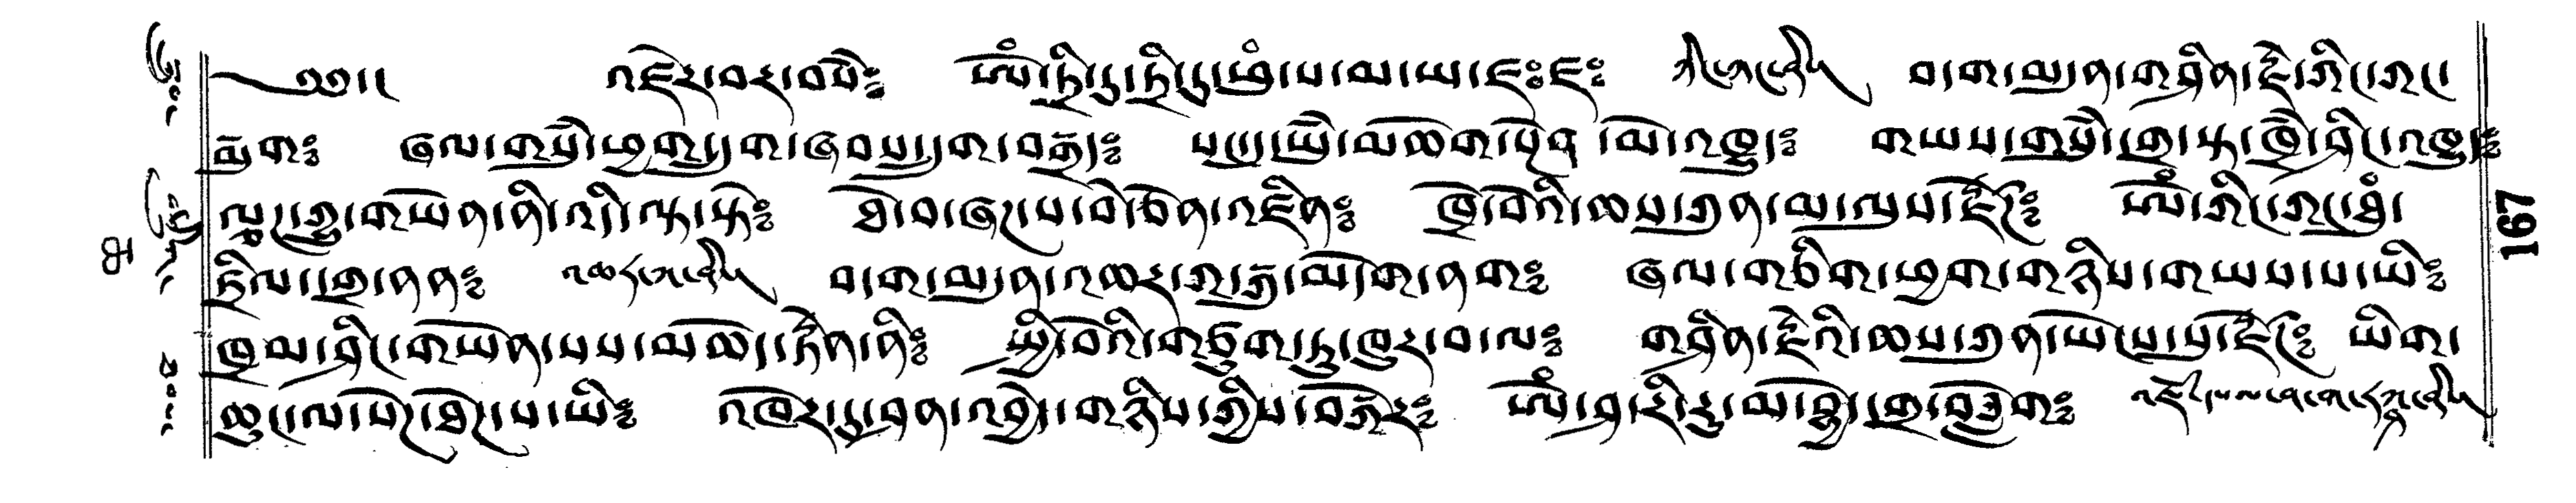འཛེར་བར་བསམ༔ ཨོཾ་ཏྲི་དུ་ཏྲི་དུ་ཕུཾ་ས་མ་ཡ་ཛ་ཛཿ ཀིང་ཀང་ནི། བདག་མདུན་གཤིན་རྗེ་ཀིང་ཀང་
སྨུག༔ ཞལ་གསུམ་ཕྱག་དྲུག་ཞབས་དྲུག་བསྒྲད༔ པང་དུ་ཡུམ་མཆོག་སྔོན་མོ་ཁྱུད༔ གཡས་གསུམ་གྲ་སྟྭ་ཁྲམ་ཤིང་འཁྱུད༔ 
ལྕགས་ཀྱུ་གཡོན་ནི་འདི་ལྟ་སྟེ༔ ཐོ་བ་ཞགས་པ་བེ་ཅོན་འཛིན༔ ཁྲོ་བོའི་ཆས་ཀུན་མ་ལུས་རྫོགས༔ ཨོཾ་ཀིང་ཀང་ཐུཾ་
ཧྲིལ་དགྲ་ནན༔ འཆར་ཀ་ནི། བདག་མདུན་འཆར་ཀ་སྐུ་མདོག་ནག༔ ཞལ་གཅིག་ཕྱག་གཉིས་གཡས་པ་ཡི༔ 
ཁྲམ་ཤིང་གཡོན་པས་མཆོད་རྟེན་ནི༔ སྤྱི་བོའི་གཙུག་ཏུ་ཁུར་བ་ལ༔ གཤིན་རྗེའི་ཆས་ཀུན་ཡོངས་སུ་རྫོགས༔ ཡིག་
ཆུང་ལ་སོགས་ཐོགས་པ་ཡི༔ འཁོར་དུ་ཤན་འབྱེད་གཉིས་ཀྱིས་བསྐོར༔ ཨོཾ་ཤ་རི་རུ་མ་བྷྱོ་དགྲ་བཟློག༔ འཇམ་དཔལ་ན་ག་རཀྴ་ནི།